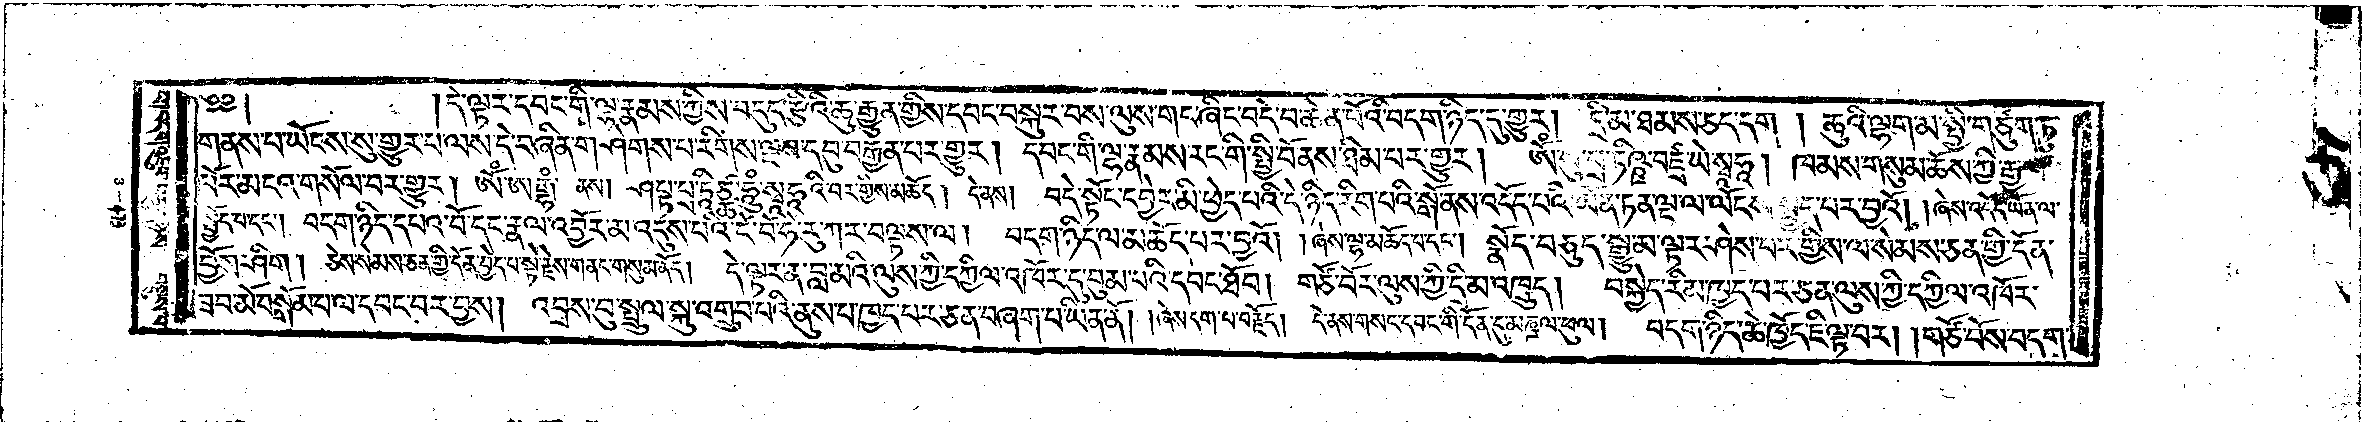༄༅། །དེ་ལྟར་དབང་གི་ལྷ་རྣམས་ཀྱིས་བདུད་རྩིའི་ཆུ་རྒྱུན་གྱིས་དབང་བསྐུར་བས་ལུས་གང་ཞིང་བདེ་བ་ཆེན་པོའི་བདག་ཉིད་དུ་གྱུར། དྲི་མ་ཐམས་ཅད་དག །ཆུའི་ལྷག་མ་སྤྱི་གཙུག་ཏུ་
གནས་པ་ཡོངས་སུ་གྱུར་པ་ལས་དེ་བཞིན་གཤེགས་པ་རིགས་ལྔས་དབུ་བརྒྱན་པར་གྱུར། དབང་གི་ལྷ་རྣམས་རང་གི་སྤྱི་བོ་ནས་ཐིམ་པར་གྱུར། ཨོཾ་སུ་པྲ་ཏིཥཊཿཨ་བཛྲ་ཡེ་སྭཱཧཱ། ཁམས་གསུམ་ཆོས་ཀྱི་རྒྱལ་
པོར་མངའ་གསོལ་བར་གྱུར། ཨོཾ་ཨརྒྷཾ་ནས།  ཤཔྟ་པྲ་ཏཱིཙྪ་ཧཱུཾ་སྭཱཧཱའི་བར་གྱིས་མཆོད། དེ་ནས།  བདེ་སྟོང་དབྱེར་མི་ཕྱེད་པའི་དེ་ཉིད་རིག་པའི་སྒོ་ནས་འདོད་པའི་ཡོན་ཏན་ལྔ་ལ་ལོངས་སྤྱད་པར་བྱའོ། །ཞེས་འདོད་ཡོན་ལ་
སྤྱོད་པ་དང་། བདག་ཉིད་དཔའ་བོ་དང་རྣལ་འབྱོར་མ་འདུས་པའི་ངོ་བོ་ཧེ་རུ་ཀར་བལྟས་ལ། བདག་ཉིད་ལ་མཆོད་པར་བྱའོ། །ཞེས་ལྷ་མཆོད་པ་དང་།  སྣོད་བཅུད་སྒྱུ་མ་ལྟར་ཤེས་པར་གྱིས་ལ་སེམས་ཅན་གྱི་དོན་
བྱོས་ཤིག། ཅེས་སེམས་ཅན་གྱི་དོན་བྱེད་པ་སྟེ་རྗེས་གནང་གསུམ་ནོད།  དེ་ལྟར་ན་བླ་མའི་ལུས་ཀྱི་དཀྱིལ་འཁོར་དུ་བུམ་པའི་དབང་ཐོབ། གཙོ་བོར་ལུས་ཀྱི་དྲི་མ་འཁྲུད། བསྐྱེད་རིམ་ཁྱད་པར་ཅན་ལུས་ཀྱི་དཀྱིལ་འཁོར་
ཟབ་མོ་བསྒོམ་པ་ལ་དབང་བར་བྱས། འབྲས་བུ་སྤྲུལ་སྐུ་འགྲུབ་པའི་ནུས་པ་ཁྱད་པར་ཅན་བཞག་པ་ཡིན་ནོ། །ཞེས་དག་པ་བརྗོད། དེ་ནས་གསང་དབང་གི་དོན་དུ་མཎྜལ་ཕུལ།  བདག་ཉིད་ཆེ་ཁྱོད་ཇི་ལྟ་བར། །གཙོ་བོས་བདག་